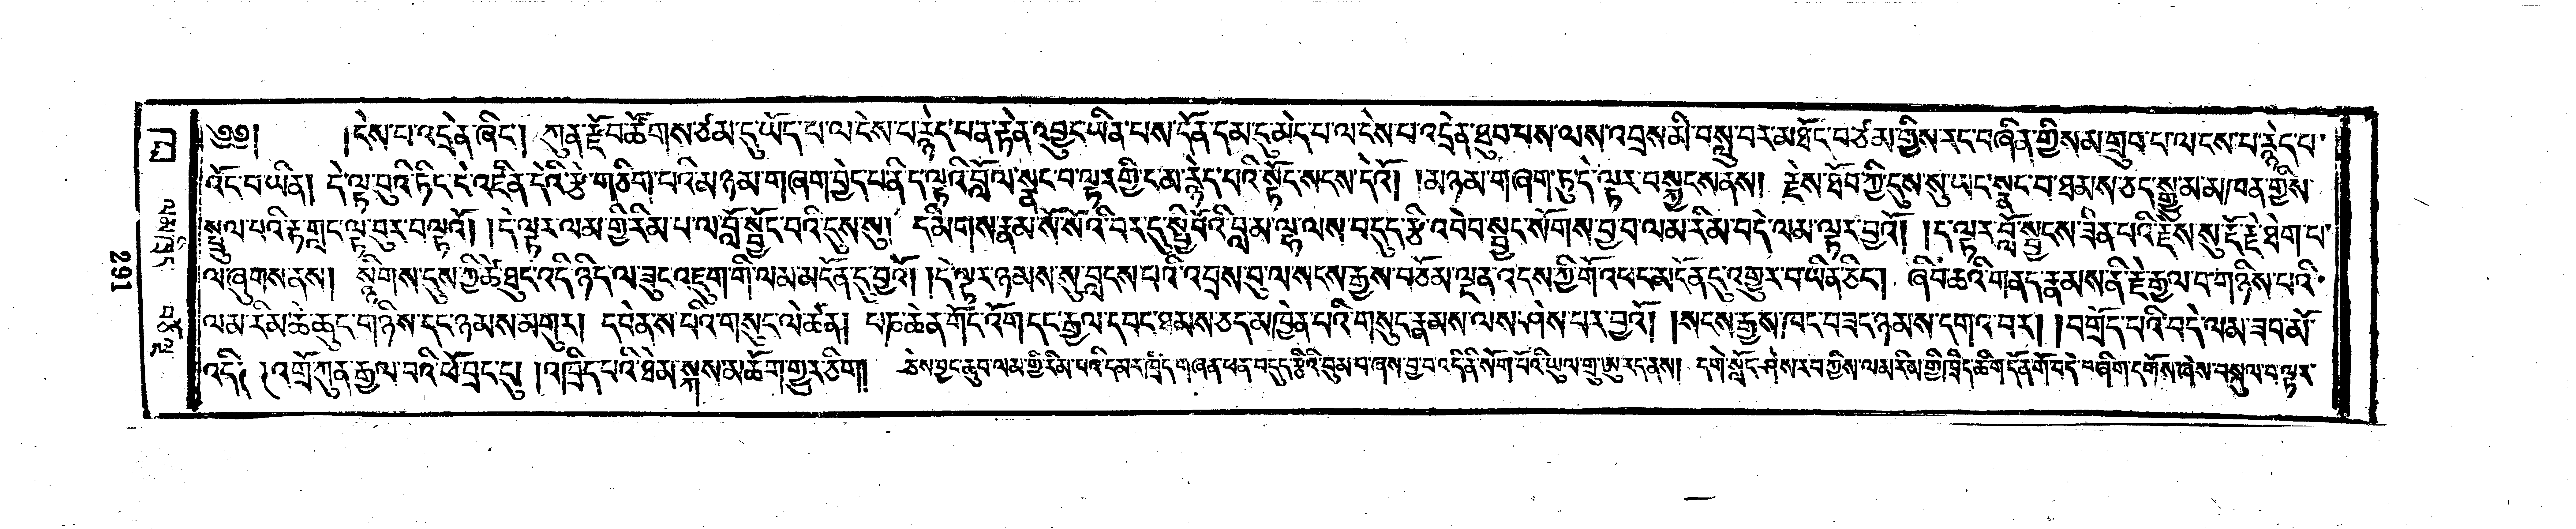༄༅། །ངེས་པ་འདྲེན་ཞིང་། ཀུན་རྫོབ་ཚོགས་ཙམ་དུ་ཡོད་པ་ལ་ངེས་པ་རྙེད་པ་ན་རྟེན་འབྱུང་ཡིན་པས་དོན་དམ་དུ་མེད་པ་ལ་ངེས་པ་འདྲེན་ཐུབ་པས་ལས་འབྲས་མི་བསླུ་བར་མཐོད་བ་ཙམ་གྱིས་རང་བཞིན་གྱིས་མ་གྲུབ་པ་ལ་ངས་པ་རྙེད་པ་
འོང་བ་ཡིན། དེ་ལྟ་བུའི་ཏིང་ངེ་འཛིན་དེའི་རྩེ་གཅིག་པའི་མཉམ་གཞག་བྱེད་པ་ནི་ད་ལྟའི་བློ་ལ་སྣང་བ་ལྟར་གྱི་མ་རྙེད་པའི་སྟོང་སངས་དེའོ། །མཉམ་གཞག་ཏུ་དེ་ལྟར་བསྐྱངས་ནས། རྗེ་ཐོབ་ཀྱི་དུས་སུ་ཡང་སྣང་བ་ཐམས་ཅད་སྒྱུ་མ་མཁན་གྱིས་
སྤྲུལ་པའི་རྟ་གླང་ལྟ་བུར་བལྟའོ། །དེ་ལྟར་ལམ་གྱི་རིམ་པ་ལ་བློ་སྦྱོང་བའི་དུས་སུ། དམིགས་རྣམ་སོ་སོའི་བར་དུ་སྤྱི་བོའི་བླ་མ་ལྷ་ལས་བདུད་རྩི་འབེབ་སྦྱང་སོགས་བྱ་བ་ལ་རིམ་བདེ་ལམ་ལྟར་བྱའོ། །ད་ལྟར་བློ་སྦྱངས་ཟིན་པའི་རྗེས་སུ་རྡོ་རྗེ་ཐེག་པ་
ལ་ཞུགས་ནས། སྙིགས་དུས་ཀྱི་ཚེ་ཐུང་འདི་ཉིད་ལ་ཟུང་འཇུག་གི་ལམ་མངོན་དུ་བྱའོ། །དེ་ལྟར་ཉམས་སུ་བླངས་པའི་འབྲས་བུ་ལ་སངས་རྒྱས་བཅོམ་ལྡན་འདས་ཀྱི་གོ་འཕང་མདོན་དུ་འགྱུར་བ་ཡིན་ཅིང་། ཞིབ་ཆའི་གནད་རྣམས་ནི་རྗེ་རྒྱལ་བ་གཉིས་པའི་
ལམ་རིམ་ཆེ་ཆུང་གཉིས་དང་ཉམས་མགུར། དབེན་ས་པའི་གསུང་ལེ་ཚན། པཎ་ཆེན་གོང་འོག་དང་རྒྱལ་དབང་ཐམས་ཅད་མཁྱེན་པའི་གསུང་རྣམས་ལས་ཤེས་པར་བྱའོ། །སངས་རྒྱས་ཁང་བཟང་ཉམས་དགའ་བར། །བགྲོད་པའི་བདེ་ལམ་ཟབ་མོ་
འདི༑ ༑འགྲོ་ཀུན་རྒྱལ་བའི་ཕོ་བྲང་དུ། །འཁྲིད་པའི་ཐེམ་སྐས་མཆོག་གྱུར་ཅིག། ཅེས་བྱང་ཆུབ་ལམ་གྱི་རིམ་པའི་དམར་ཁྲིད་གཞན་ཕན་བདུད་རྩིའི་བུམ་པ་ཞས་བྱ་བ་འདི་ནི་སོག་པོའི་ཡུལ་གྲུ་ཨུ་རད་ནས། དགེ་སློང་ཤེས་རབ་ཀྱིས་ལམ་རིམ་གྱི་ཁྲིད་ཆིག་དོན་གོ་བདེ་བ་ཞིག་དགོས་ཞེས་བསྐུལ་བ་ལྟར་